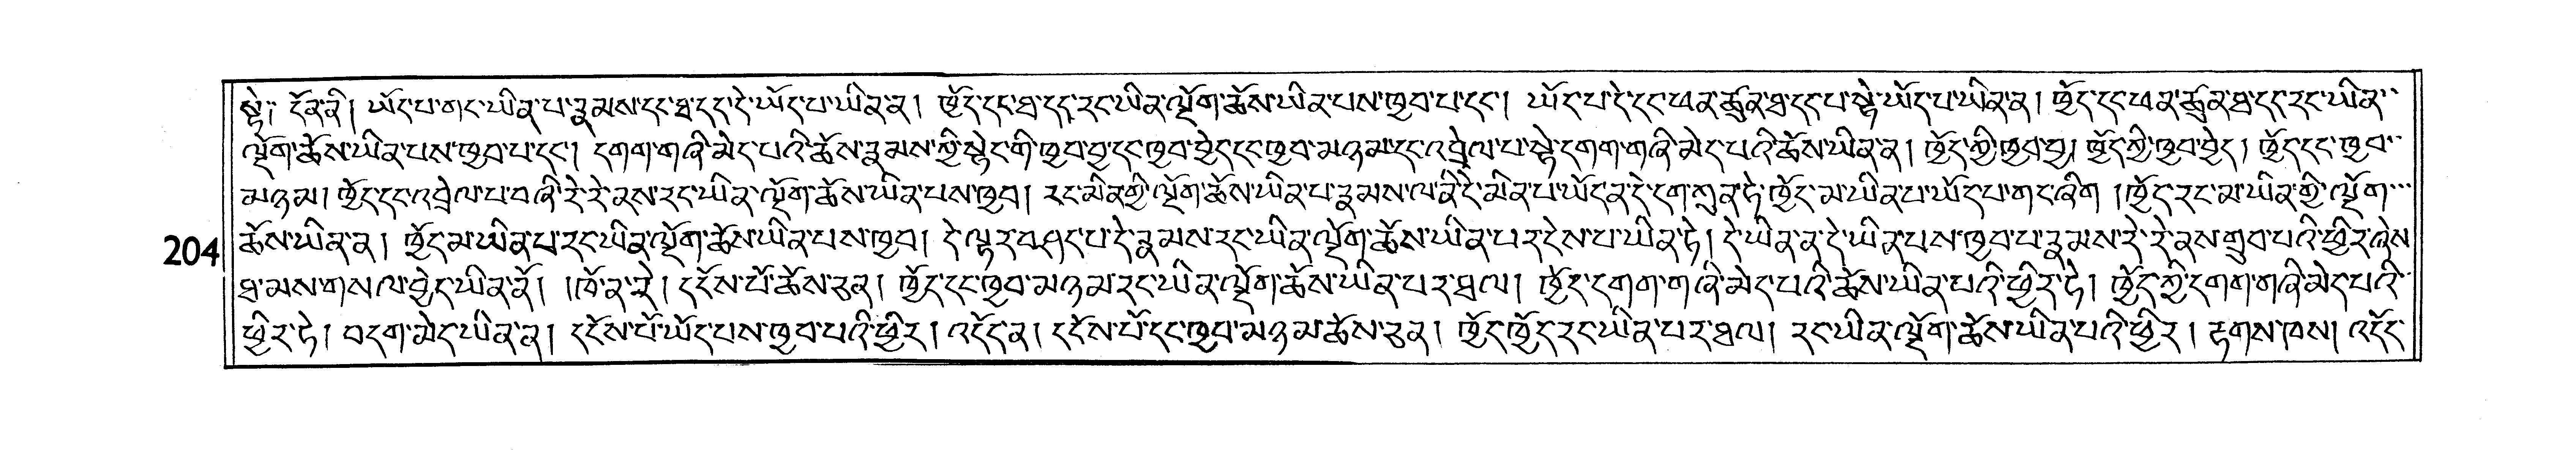སྟེ༑ དོན་ནི། ཡོད་པ་གང་ཡིན་པ་རྣམས་དང་ཐ་དད་དེ་ཡོད་པ་ཡིན་ན། ཁྱོད་དང་ཐ་དད་རང་ཡིན་ལྡོག་ཆོས་ཡིན་པས་ཁྱབ་པ་དང་། ཡོད་པ་དེ་དང་ཕན་ཚུན་ཐ་དད་པ་སྟེ་ཡོད་པ་ཡིན་ན། ཁྱོད་དང་ཕན་ཚུན་ཐ་དད་རང་ཡིན་
ལྡོག་ཆོས་ཡིན་པས་ཁྱབ་པ་དང་། དགག་གཞི་མེད་པའི་ཆོས་རྣམས་ཀྱི་སྟེང་གི་ཁྱབ་བྱ་དང་ཁྱབ་བྱེད་དང་ཁྱབ་མཉམ་དང་འབྲེལ་པ་སྟེ་དགག་གཞི་མེད་པའི་ཆོས་ཡིན་ན། ཁྱོད་ཀྱི་ཁྱབ་བྱ། ཁྱོད་ཀྱི་ཁྱབ་བྱེད། ཁྱོད་དང་ཁྱབ་
མཉམ། ཁྱོད་དང་འབྲེལ་པ་བཞི་རེ་རེ་ནས་རང་ཡིན་ལྡོག་ཆོས་ཡིན་པས་ཁྱབ། རང་མིན་གྱི་ལྡོག་ཆོས་ཡིན་པ་རྣམས་ལ་ནི་དེ་མིན་པ་ཡོད་ན་དེ་དག་ཀུན་ཏེ་ཁྱོད་མ་ཡིན་པ་ཡོད་པ་གང་ཞིག །ཁྱོད་རང་མ་ཡིན་གྱི་ལྡོག་
ཆོས་ཡིན་ན། ཁྱོད་མ་ཡིན་པ་རང་ཡིན་ལྡོག་ཆོས་ཡིན་པས་ཁྱབ། དེ་ལྟར་བཤད་པ་དེ་རྣམས་རང་ཡིན་ལྡོག་ཆོས་ཡིན་པར་ངེས་པ་ཡིན་ཏེ། དེ་ཡིན་ན་དེ་ཡིན་པས་ཁྱབ་པ་རྣམས་རེ་རེ་ནས་གྲུབ་པའི་ཕྱིར་ཞེས་
ཐ་མས་གསལ་བྱེད་ཡིན་ནོ། །ཁོ་ན་རེ། དངོས་པོ་ཆོས་ཅན། ཁྱོད་དང་ཁྱབ་མཉམ་རང་ཡིན་ལྡོག་ཆོས་ཡིན་པར་ཐལ། ཁྱོད་དགག་གཞི་མེད་པའི་ཆོས་ཡིན་པའི་ཕྱིར་ཏེ། ཁྱོད་ཀྱི་དགག་གཞི་མེད་པའི་
ཕྱིར་ཏེ། བདག་མེད་ཡིན་ན། དངོས་པོ་ཡོད་པས་ཁྱབ་པའི་ཕྱིར། འདོད་ན། དངོས་པོ་དང་ཁྱབ་མཉམ་ཆོས་ཅན། ཁྱོད་ཁྱོད་རང་ཡིན་པར་ཐལ། རང་ཡིན་ལྡོག་ཆོས་ཡིན་པའི་ཕྱིར། རྟགས་ཁས། འདོད་